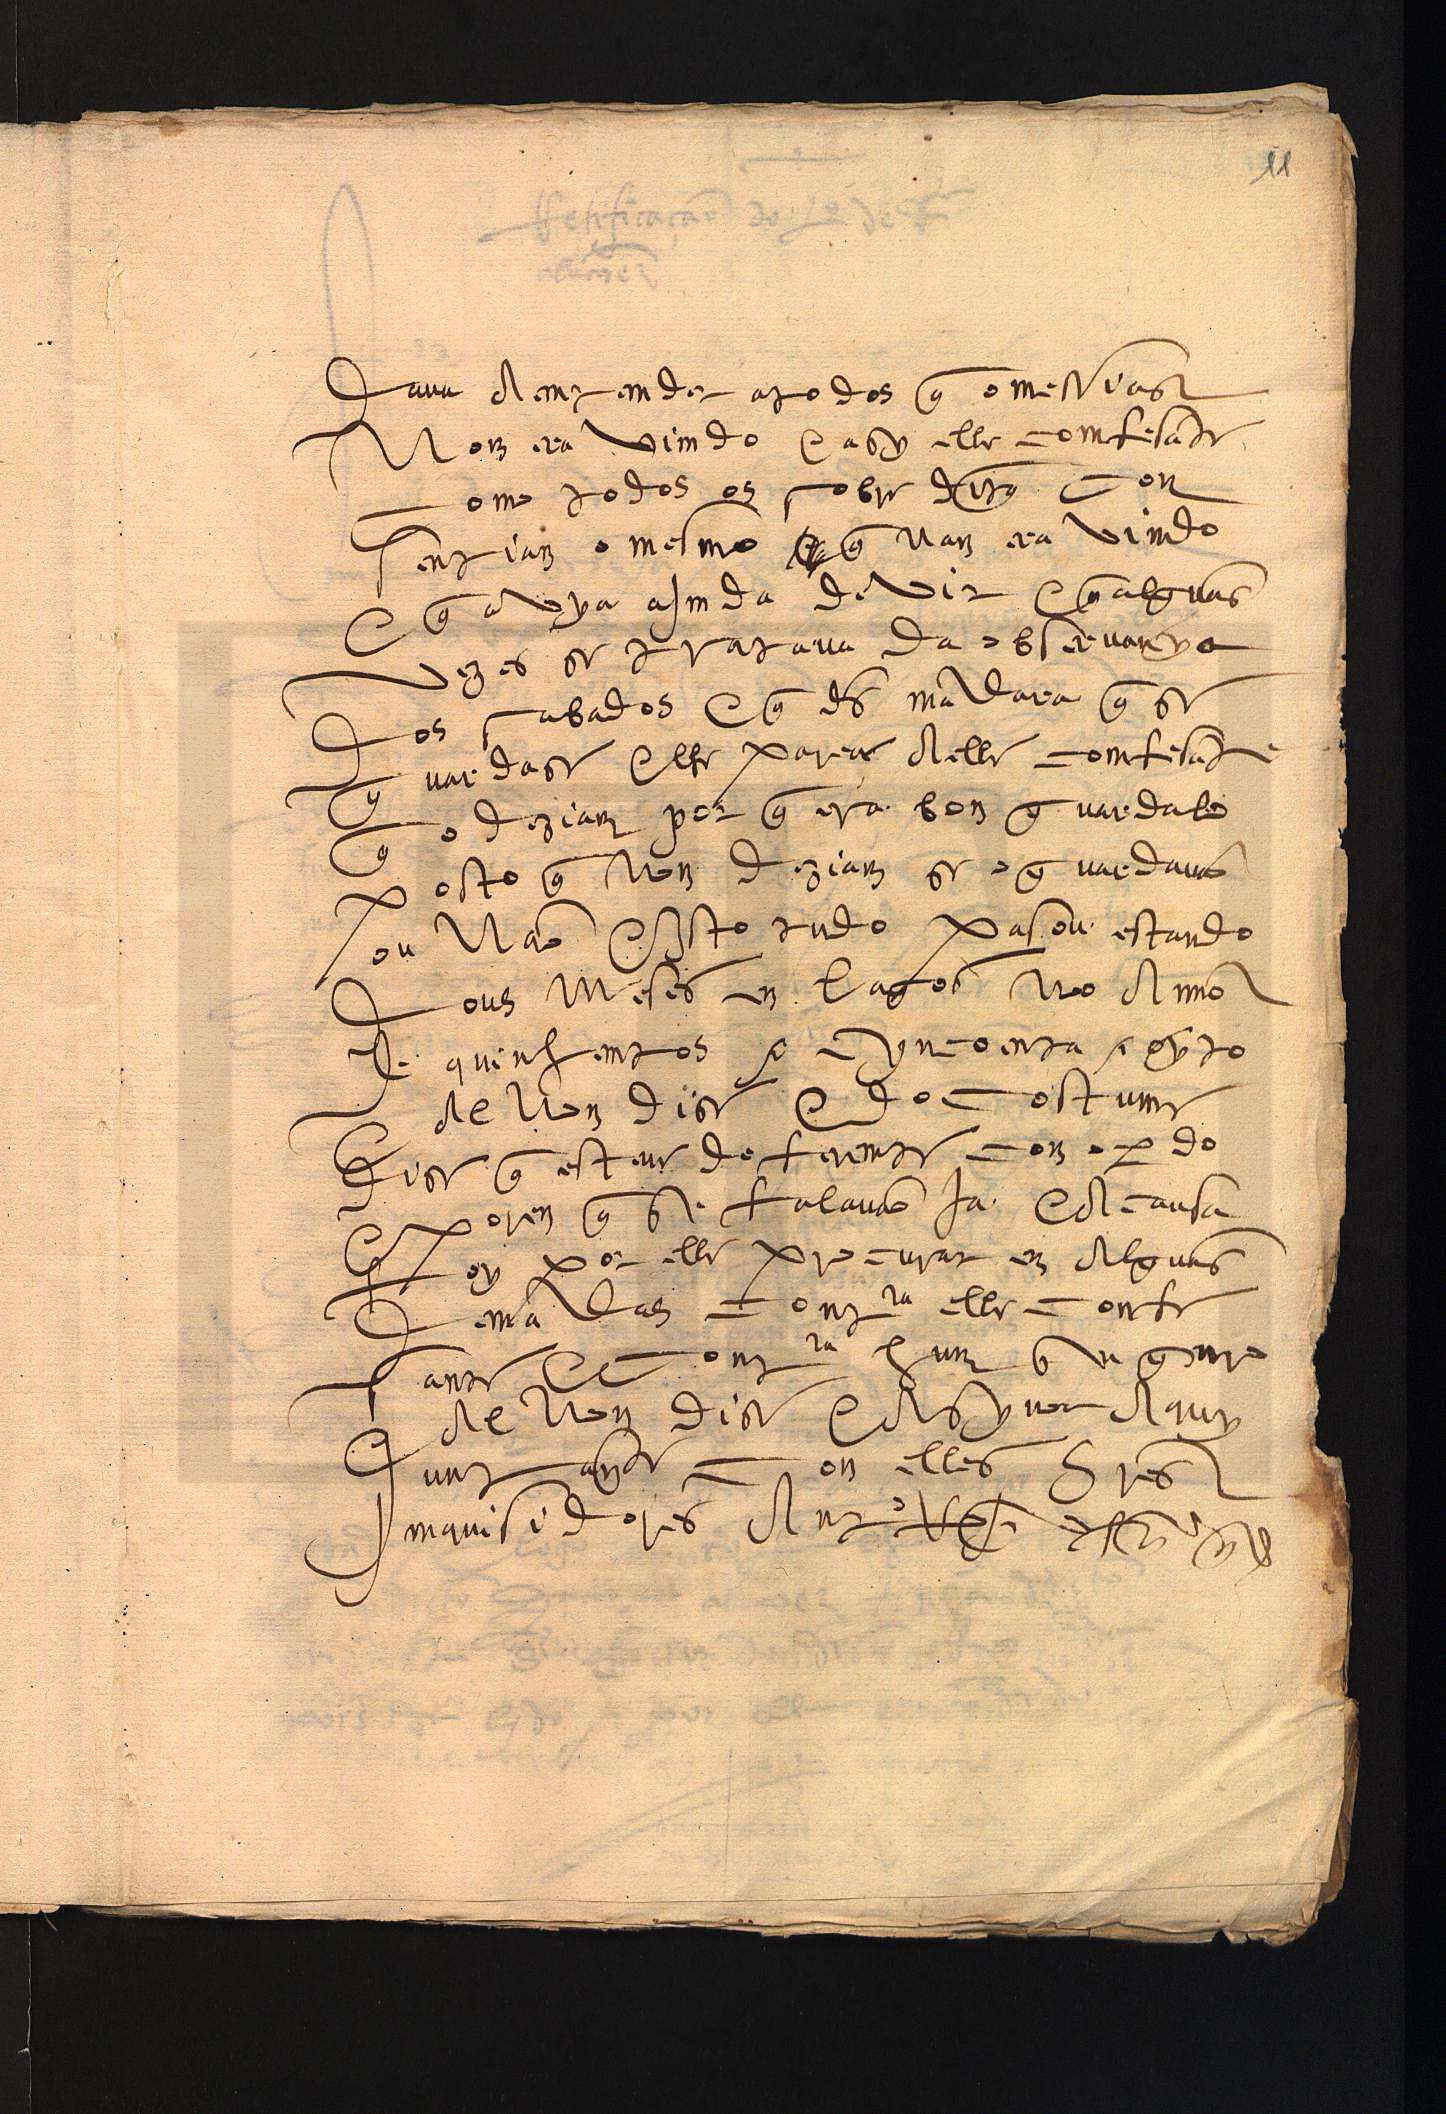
daua A emtemder a todos q̄ o messias
Nom era vimdo e asy elle comfesāte
Como todos os sobreditꝯ con
sentiam o mesmo e q̄ nam era vimdo
e q̄ avya aJmda de vir e q̄ algūas
vezes se trataua da obseruanya
dos sabados e q̄ ds̄ mādava q̄ se
guardase e lhe pareçe A elle comfesāte
q̄ o deziam porq̄ era bom guardalo
posto q̄ nom deziam se o guardauaõ
ou Não e Jsto tudo pasou estando
dous meses em lagos no Annō
de quinhemtos e cyncoenta e oyto
e Al nom dise e do costume
dise q̄ esteue de feremte com o Ldo
e porem q̄ se falauão Ja e A causa
foy por elle procurar em Alguās
demādas contra elle confe
sante e Contra hum seu genro
e Al nom dise e Asynou Aquy
Juntamte Com elles srēs
Jmquisidores Anto Rōjz o stp̄vy
